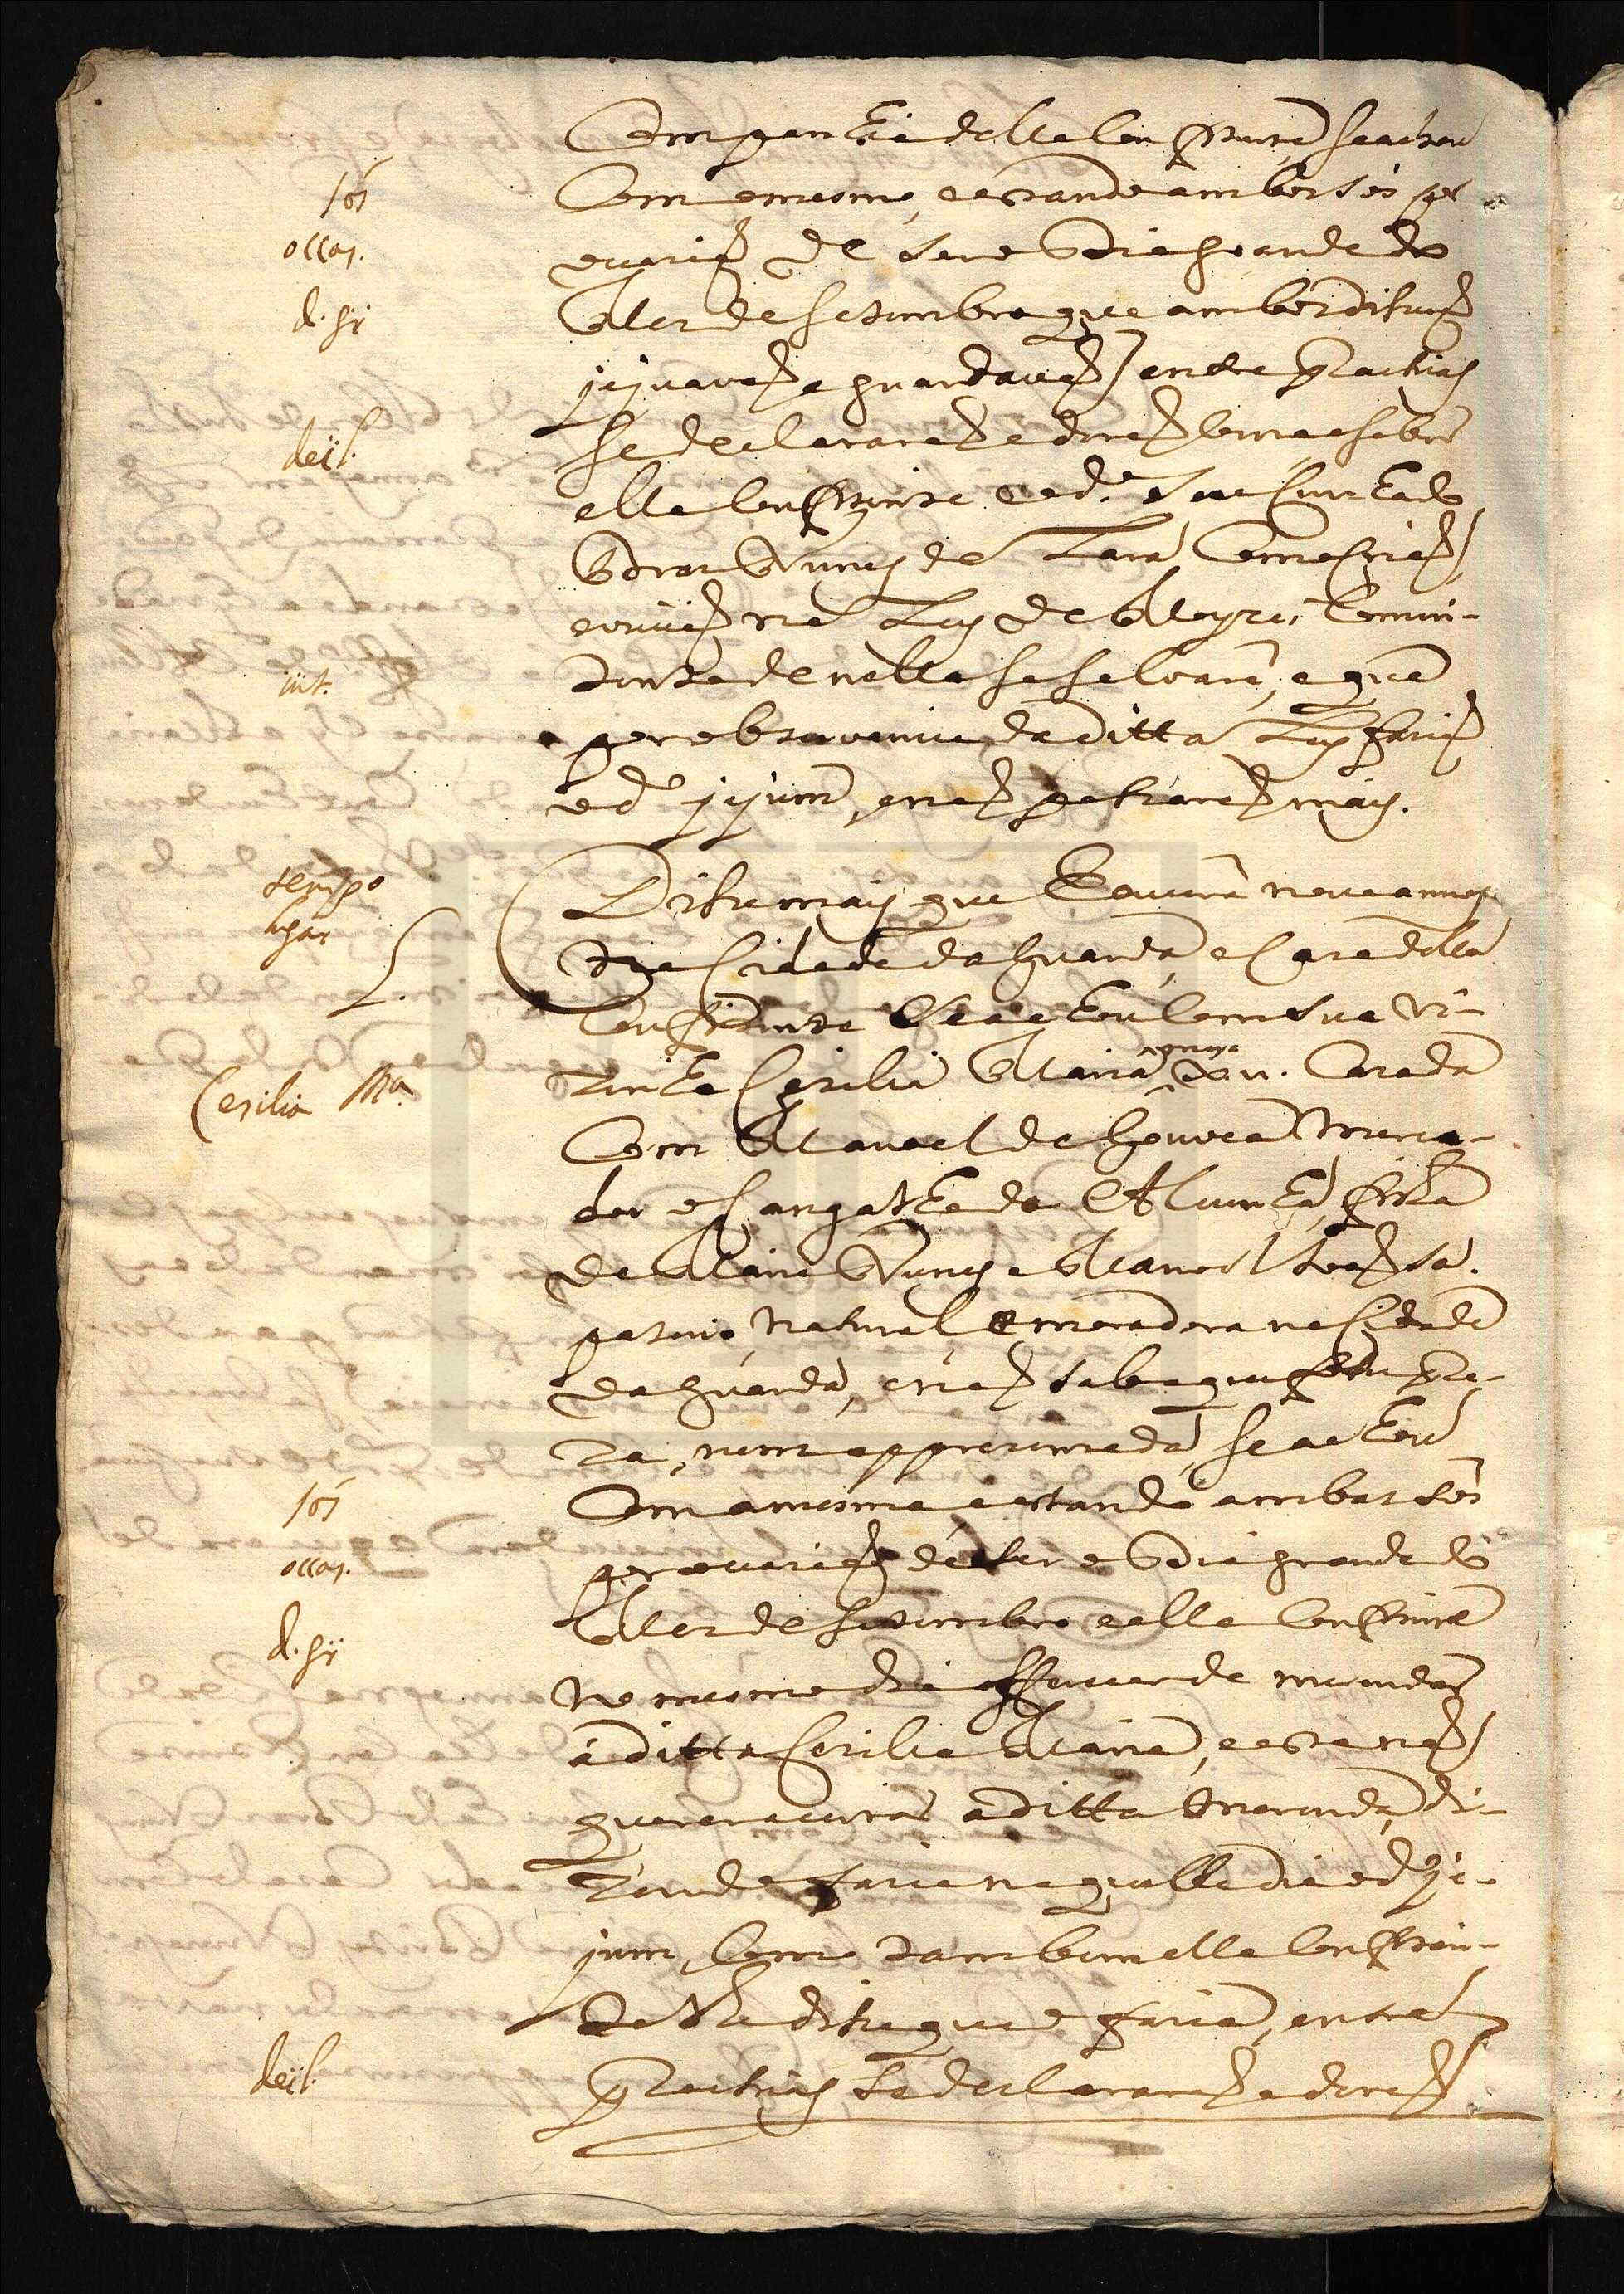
Companhia della Confitente, se achou
Com o mesmo, e estando ambos sós por
sós
occas.
occaziaõ de ser o dia grande do
d. gr
Mez de setembro que ambos diseraõ
jejuavaõ e guardavaõ entre practicas
se declararaõ e deraõ conta a saber
decl.
ella Confitente e o d.o seu Cunhado
Braz Nunes de Lara Como Criaõ
e viuiaõ na Ley de Moyzes Com in
tento de nella se salvarē, e que
int.
por observancia da ditta Ley faziaõ
o do jejum, e naõ passaraõ mais.
tempo
Disse mais que hauerà noue annos
lugar
na Cidade da Guarda, e Caza della
L.
Confitente se achou com sua vi
zinha Cezilia Maria
meya
x. n. Cazada
Cezilia M.a
Com Manoel de Gouvea merca
dar o Cangalho de Alcunha, filha
de Maria Nunes e Manoel Ioaõ sa
pateiro, natural, e moradora na Cidade
da guarda, e naõ sabe que fosse pre
za, nem apprezentada, se achou
Com a mesma e estando ambas sós
sos
por occaziaõ de ser o Dia grande do
occas.
Mes de setembro e ella Confitente
d. gr
no mesmo dia offerecer de merendar
á ditta Cezilia Maria, e esta naõ
querer aceitar a ditta merenda, di
zendo fazia naquelle dia o do je
jum, Como tambem ella Confiten
te lhe disse que fazia entre
decl.
practicas se declararaõ e deraõ
